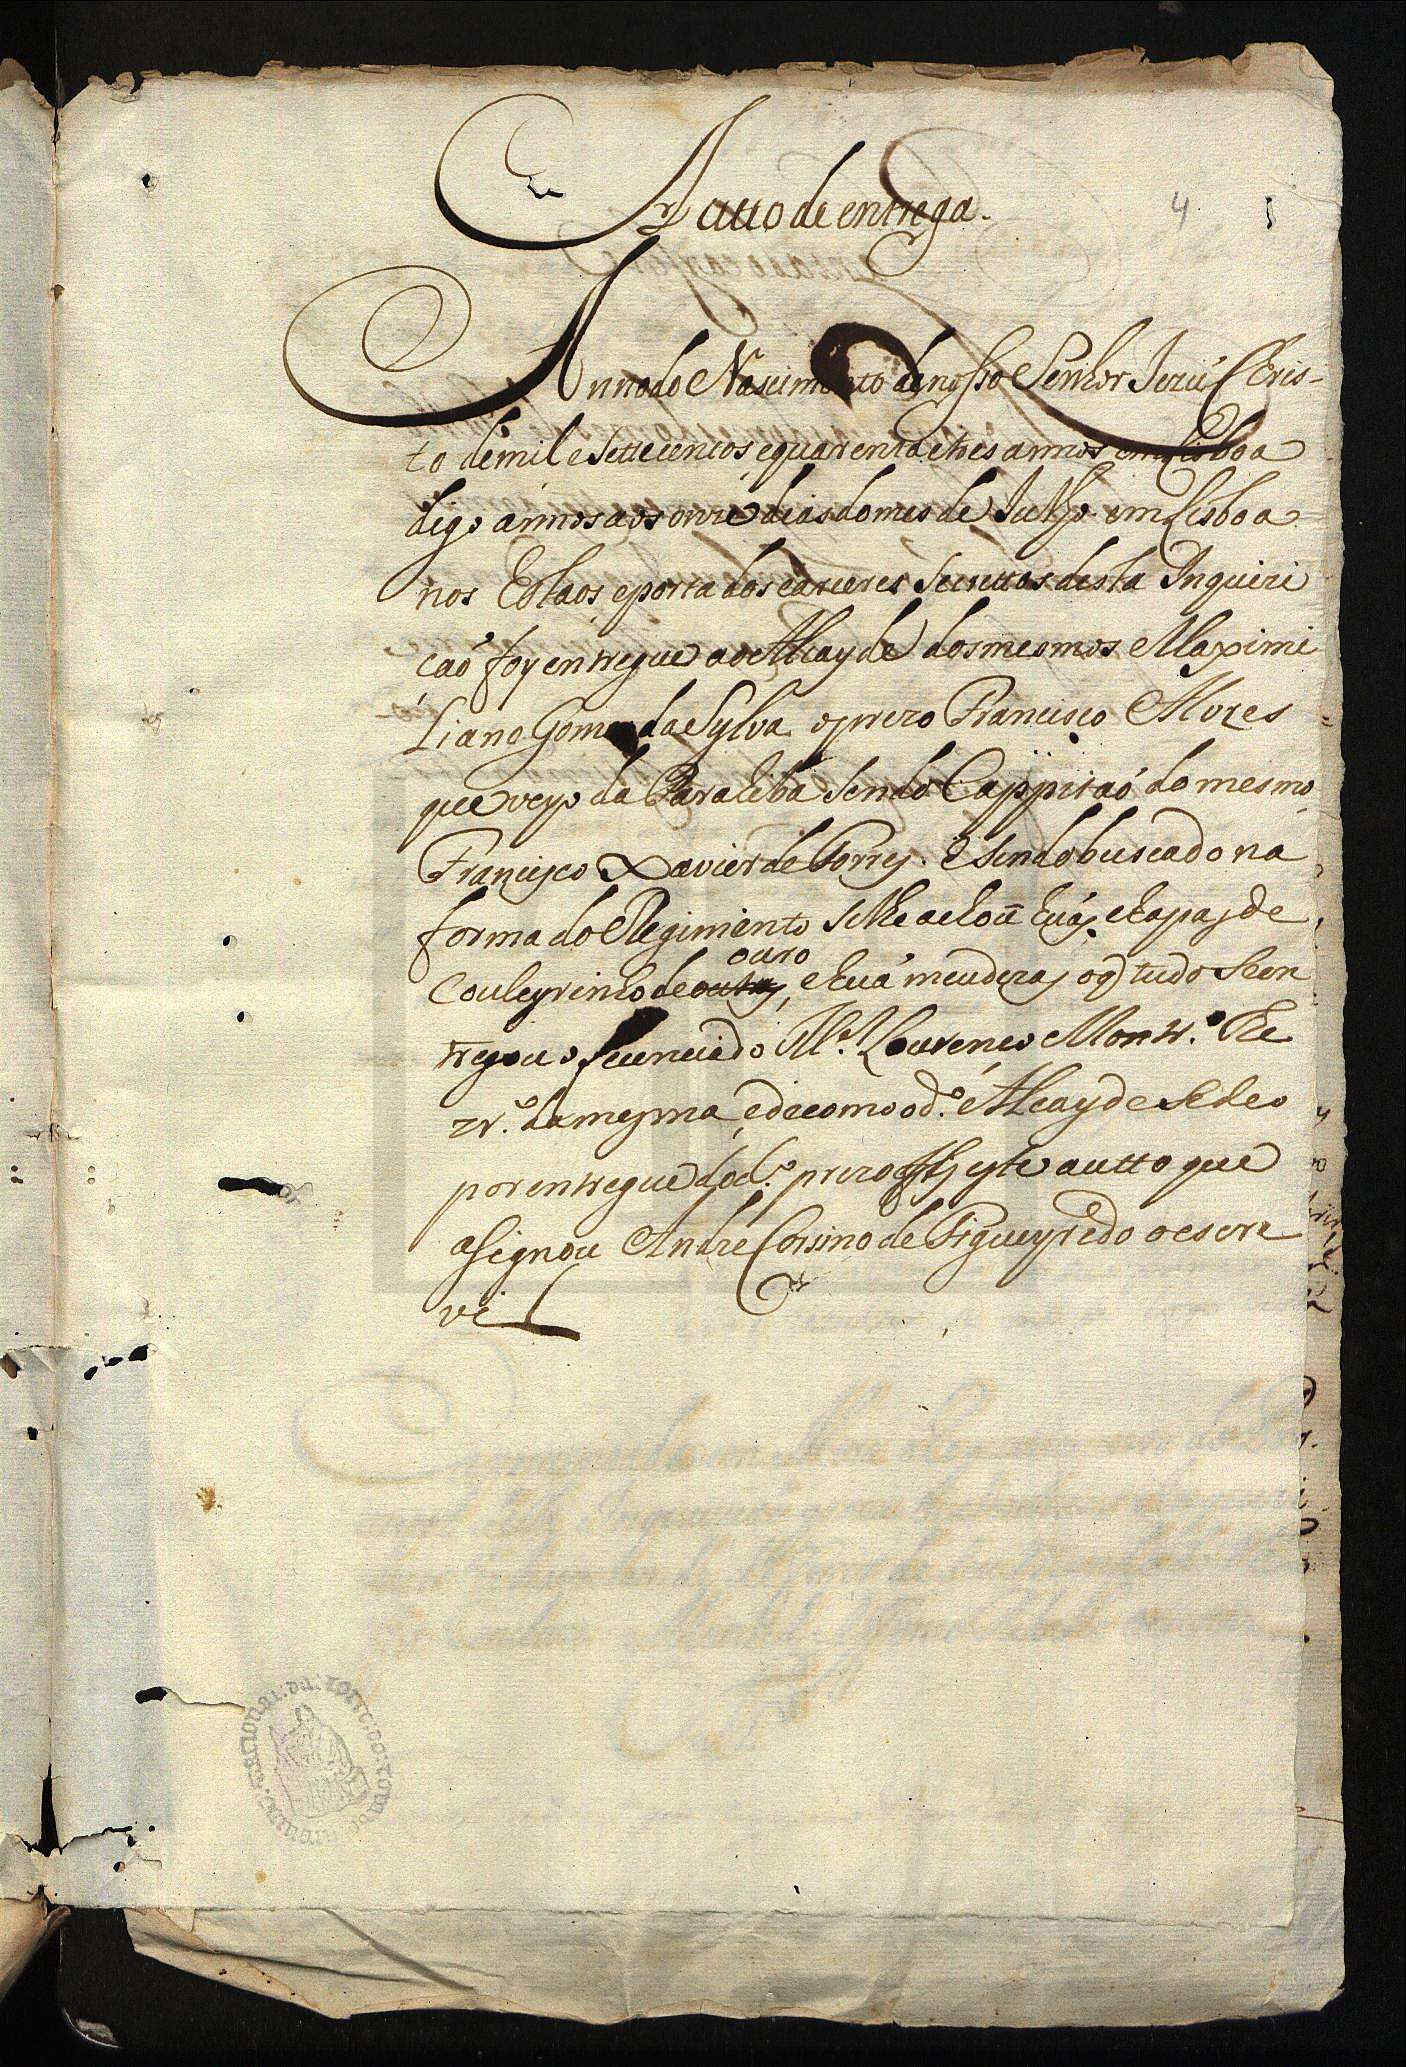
Autto de entrega.
Anno do Nascim__to de nosso Senhor Iezū Chris
to de mil e settecentos, e quarenta e tres annos em Lisboa
digo annos aos onze dias do mes de Iulho em Lisboa
nos Estaos, e porta dos carceres secrettos desta Inquizi
çaõ foy entregue ao Alcayde dos mesmos Maximi
liano Gom_ da Sylva o prezo Francisco Alvres
que veyo da Parahiba sendo Cappitaõ do mesmo,
Francisco Xavier de Torres. E sendo buscado na
forma do Regimento selhe achoû huās chapas de
ouro
couleyrinho de outras, e huā meudezas o q̄ tudo se en
tregou o Lecenciado M.el Lourenço Montr.o The
zr.o da mesma, e de como o d.o Alcayde se deo
por entregue do d.o prezo ffis este autto que
asignou Andre Corsino de Figueyredo o escre
vi
